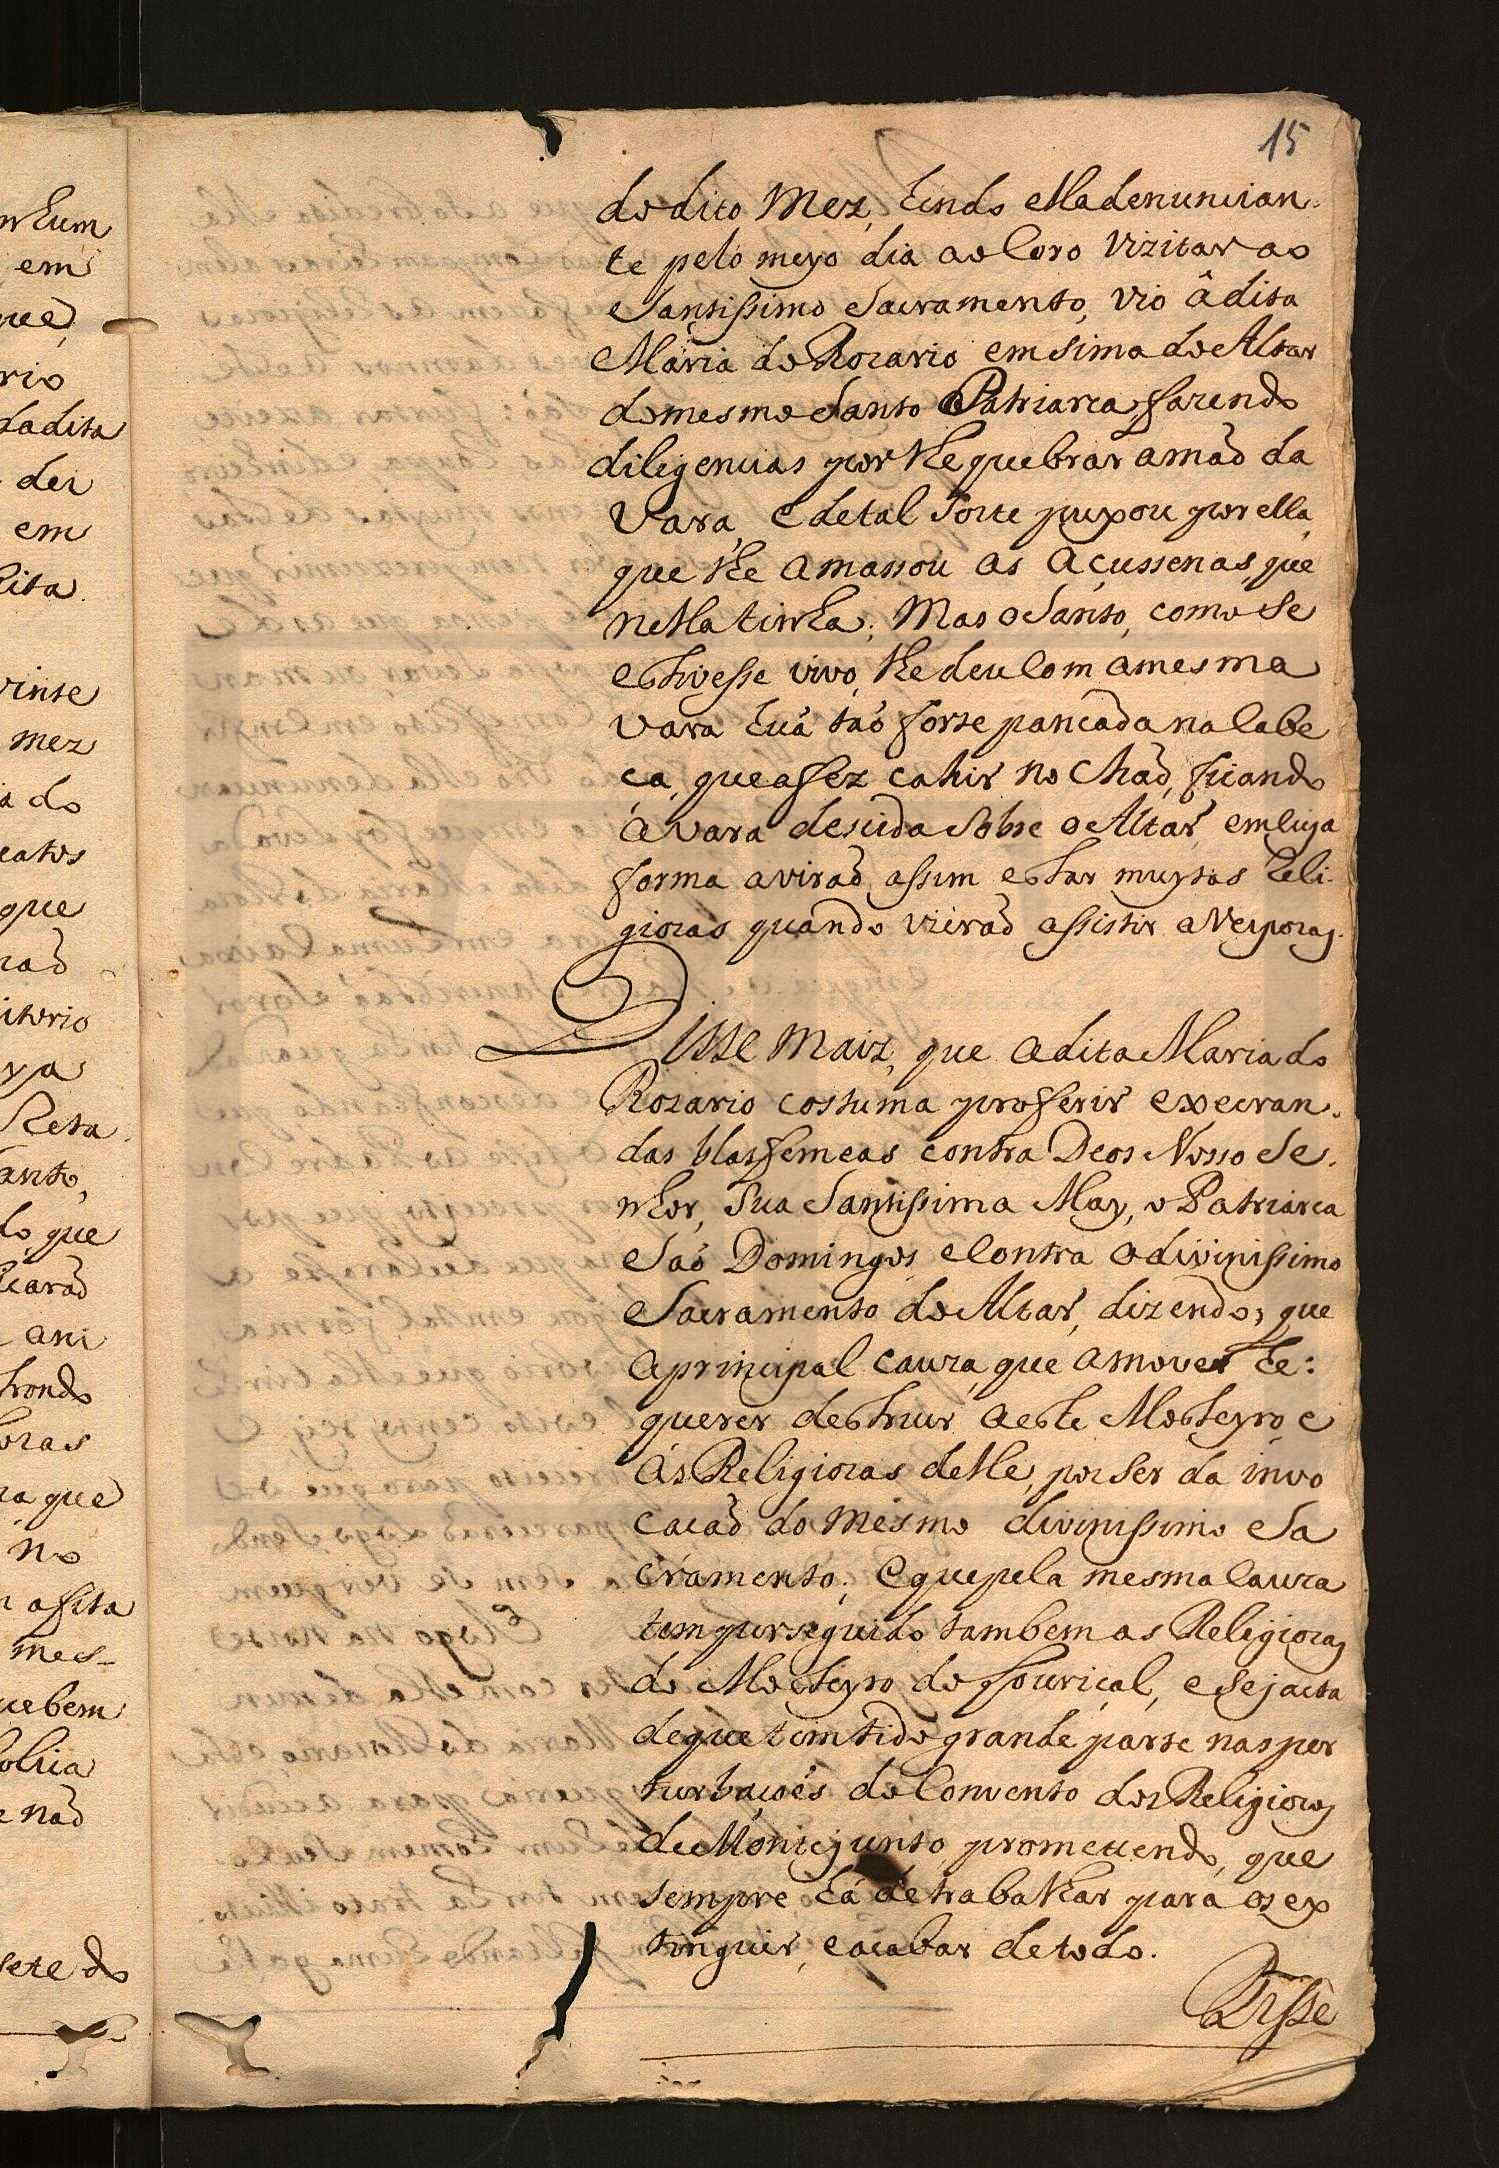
do dito mez, hindo ella denuncian
te pelo meyo dia ao Coro vizitar ao
Santissimo Sacramento, vio â dita
Maria do Rozario em sima do Altar
do mesmo Santo Patriarca, fazendo
diligencias por lhe quebrar a maõ da
Vara, e de tal sorte puxou por ella,
que lhe amassou as açussenas, que
nella tinha; mas o Santo, como se
estivesse vivo, lhe deu com a mesma
vara huā taõ forte pancada na Cabe
ça, que a fez cahir no chaõ, ficando
a vara descida sobre o Altar, em cuja
forma a viraõ assim estar muytas Reli
giozas quando vieraõ assistir a Vesporas.
Disse maiz, que a dita Maria do
Rozario costuma proferir execran
das blasfemeas contra Deos Nosso Se
nhor, Sua Santissima May, o Patriarca
Saõ Domingos, e contra o divinissimo
Sacramento do Altar, dizendo, que
a principal cauza, que a move_ he:
querer destruir a este Mosteyro, e
ás Religiozas delle, por ser da invo
caçaõ do mesmo divinissimo Sa
cramento, e que pela mesma cauza
tem perseguido tambem as Religiozas
do Mosteyro do Louriçal, e se jacta
de que tem tido grande parte nas per
turbaçoẽs do Convento dos Religiozos
de Montejunto, promettendo, que
sempre há de trabalhar para os ex
tinguir, e acabar de todo.
Disse
